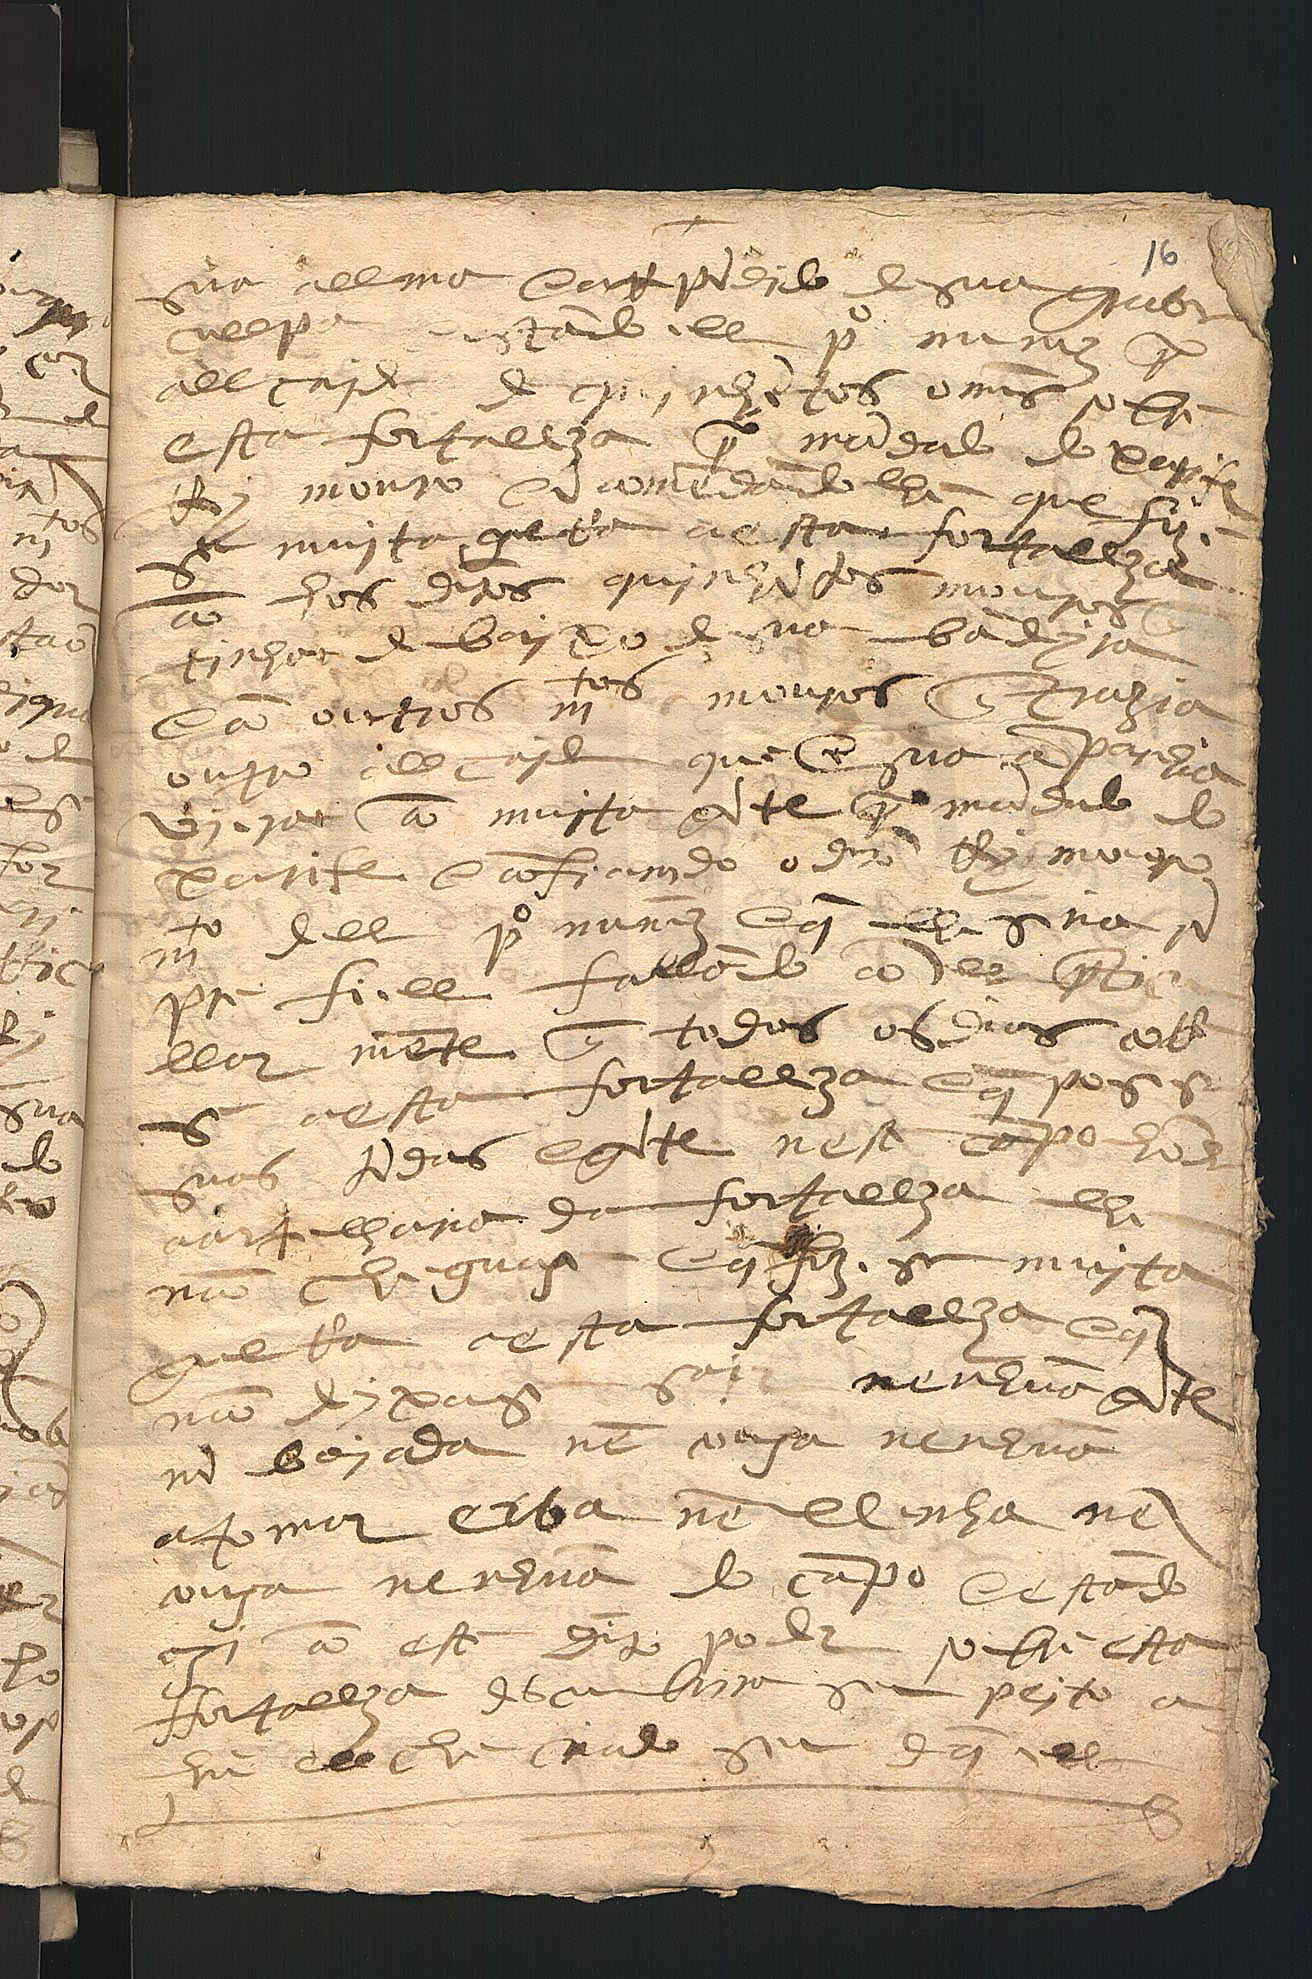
sua allma e aRepēdido de sua grave
cullpa e estādo elle po nunez p̄o
allcajde de qujnhētos omēs sobre
esta fortalleza p̄o mādado do xarife
Rej mouro e ēcomēdādo lhe que fize
se muita gueRa a esta fortalleza
c̄o hos dītos qujnhētos mouros q̄
tinha debajxo de sua bādejra
e cō outros mtos mouros q̄ trazia
outro allcajde que ē sua c̄opanhia
vjera c̄o mujta gēte p̄o mādado do
xarife e c̄ofiamdo o dit̄o Rej mouro
mto delle po nun̄ez e q̄ elle seria sē
pre fiell fallādo cō elle p̄ticu
llarmēte q̄ todos os dias coRe
se a esta fortalleza e q̄ posese
suas tēdas e gēte neste cāpo hōde
a artelharia da fortalleza lhe
não cheguase e q̄ fizese mujta
gueRa a esta fortalleza e q̄
naõ dejxase sair nenhuā gēte
nē bojada nē cousa nenhuā
a tomar erva nē llenha nē
cousa nenhuā do cāpo e estādo
asi c̄o este dīto poder sobre esta
ffortalleza descubrira seu pejto a
hū ellche criado seu de q̄ elle
